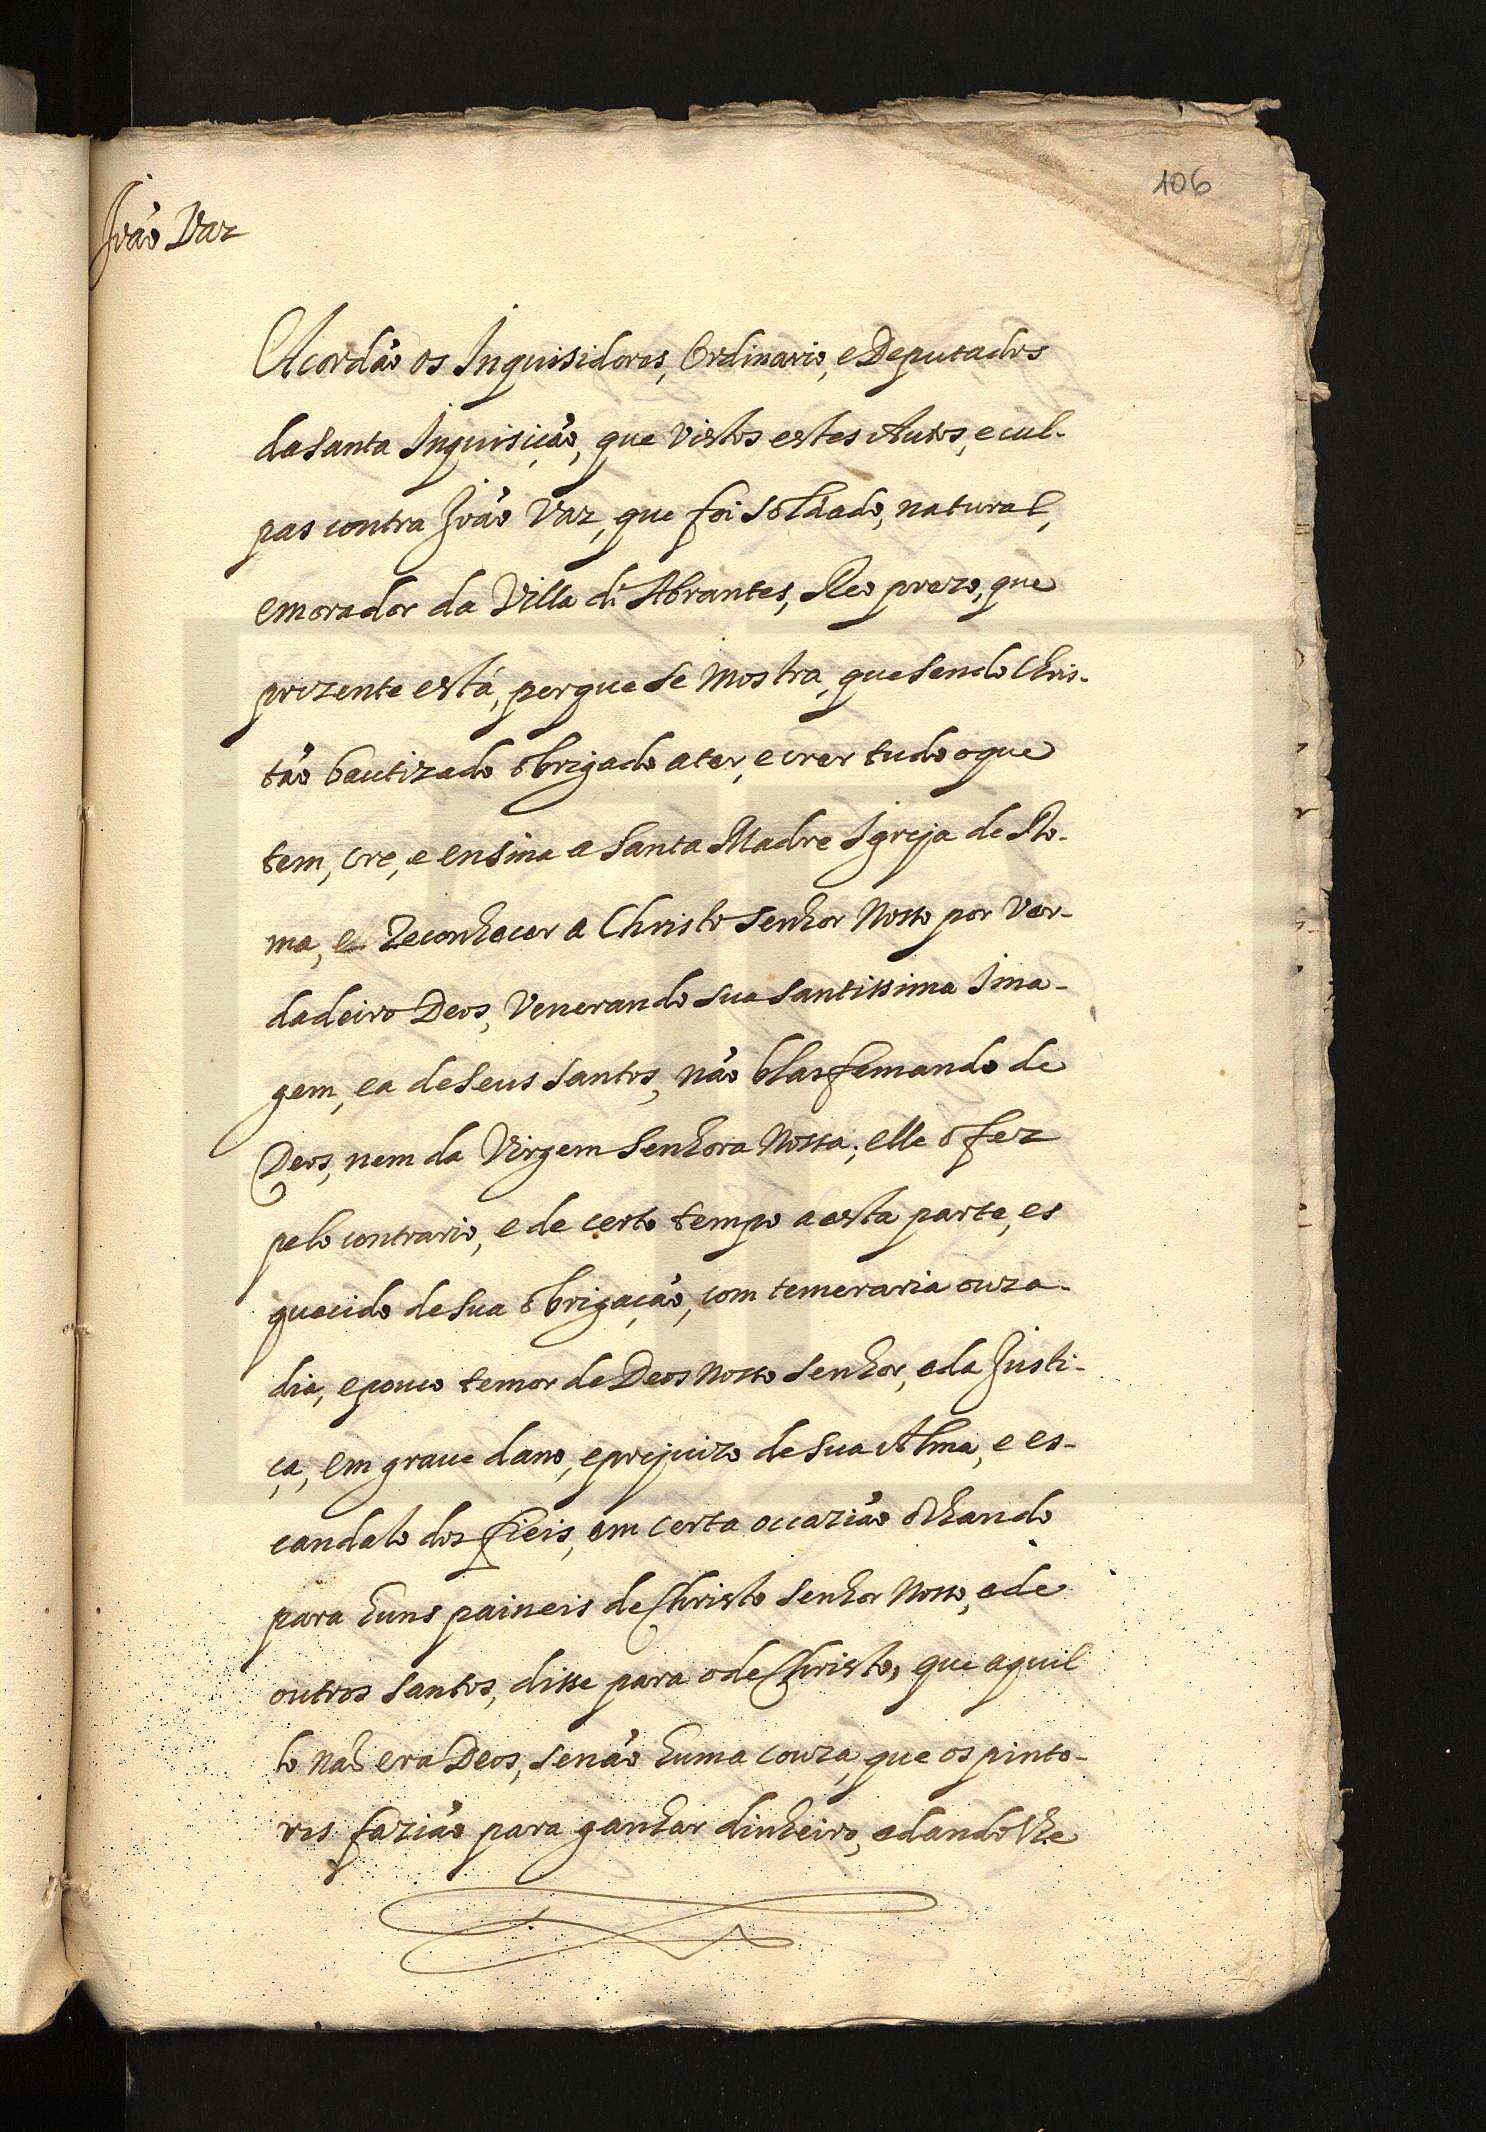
Joaõ Vaz
Acordaõ os Inquisidores, Ordinario, e Deputados
da santa Inquisiçaõ, que vistos estes Autos, e cul
pas contra Joaõ Vaz, que foi soldado, natural,
e morador da Villa de Abrantes, Reo prezo, que
prezente está, porque se mostra, que sendo chris
taõ bautizado obrigado a ter, e crer tudo o que
tem, cre, e ensina a Santa Madre Igreja de Ro
ma, e Reconhecer a Christo Senhor nosso por ver
dadeiro Deos, venerando sua santissima Ima
gem, e a de seus santos, não blasfemando de
Deos, nem da Virgem Senhora nossa, elle o fez
pelo contrario, e de certo tempo a esta parte, es
quecido de sua obrigaçaõ, com temeraria ouza
dia, e pouco temor de Deos nosso senhor, e da Justi
ça, em graue dano, e prejuizo de sua Alma, e es
candalo dos fieis, em certa occaziaõ olhando
para huns paineis de Christo Senhor nosso, e de
outros santos, disse para o de Christo, que aquil
to naõ era Deos, senaõ huma couza, que os pinto
res faziaõ para ganhar dinheiro, e dandolhe
